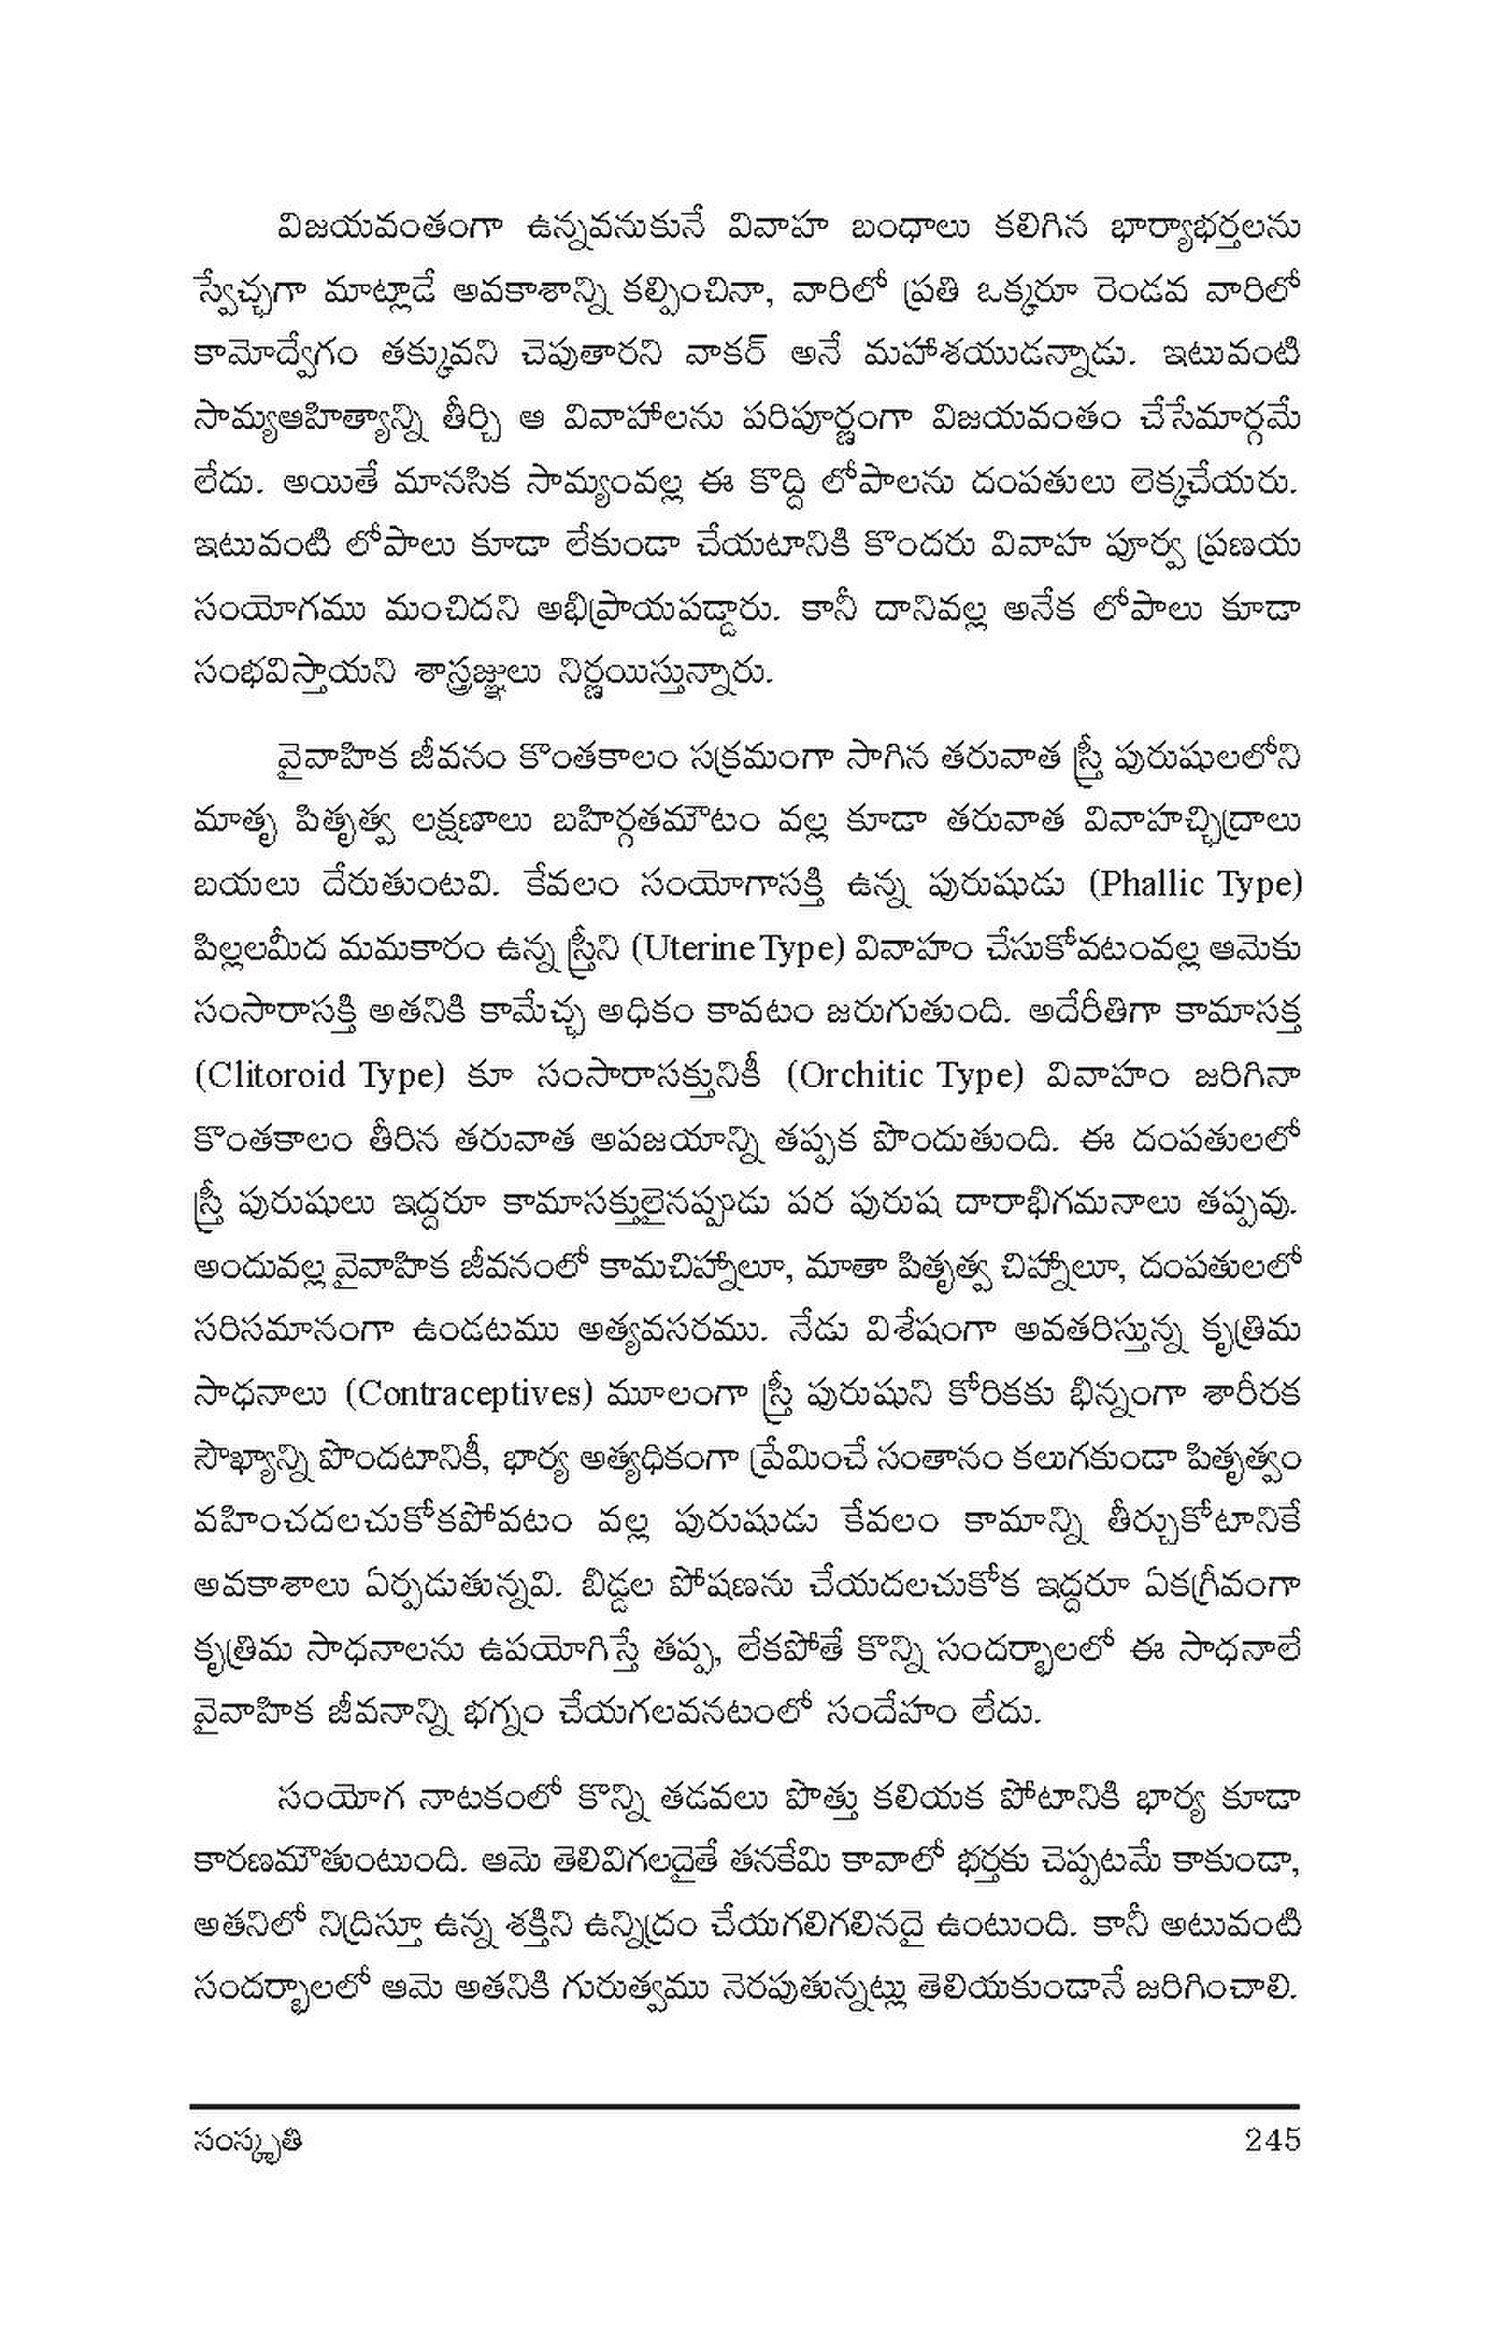విజయవంతంగా ఉన్నవనుకునే వివాహ బంధాలు కలిగిన భార్యాభర్తలను
స్వేచ్ఛగా మాట్లాడే అవకాశాన్ని కల్పించినా, వారిలో ప్రతి ఒక్కరూ రెండవ వారిలో
కామోద్వేగం తక్కువని చెపుతారని వాకర్ అనే మహాశయుడన్నాడు. ఇటువంటి
సామ్యఅహిత్యాన్ని తీర్చి ఆ వివాహాలను పరిపూర్ణంగా విజయవంతం చేసేమార్గమే
లేదు. అయితే మానసిక సామ్యంవల్ల ఈ కొద్ది లోపాలను దంపతులు లెక్కచేయరు.
ఇటువంటి లోపాలు కూడా లేకుండా చేయటానికి కొందరు వివాహ పూర్వ ప్రణయ
సంయోగము మంచిదని అభిప్రాయపడ్డారు. కానీ దానివల్ల అనేక లోపాలు కూడా
సంభవిస్తాయని శాస్త్రజ్ఞులు నిర్ణయిస్తున్నారు.

వైవాహిక జీవనం కొంతకాలం సక్రమంగా సాగిన తరువాత స్త్రీ పురుషులలోని
మాతృ పితృత్వ లక్షణాలు బహిర్గతమౌటం వల్ల కూడా తరువాత వివాహచ్ఛిద్రాలు
బయలు దేరుతుంటవి. కేవలం సంయోగాసక్తి ఉన్న పురుషుడు (Phallic Type)
పిల్లలమీద మమకారం ఉన్న స్త్రీని (UterineType) వివాహం చేసుకోవటంవల్ల ఆమెకు
సంసారాసక్తి అతనికి కామేచ్ఛ అధికం కావటం జరుగుతుంది. అదేరీతిగా కామాసక్త
(Clitoroid Type) కూ సంసారాసక్తునికీ (Orchitic Type) వివాహం జరిగినా
కొంతకాలం తీరిన తరువాత అపజయాన్ని తప్పక పొందుతుంది. ఈ దంపతులలో
స్త్రీ పురుషులు ఇద్దరూ కామాసక్తులైనప్పుడు పర పురుష దారాభిగమనాలు తప్పవు.
అందువల్ల వైవాహిక జీవనంలో కామచిహ్నాలూ, మాతా పితృత్వ చిహ్నాలూ, దంపతులలో
సరిసమానంగా ఉండటము అత్యవసరము. నేడు విశేషంగా అవతరిస్తున్న కృత్రిమ
సాధనాలు (Contraceptives) మూలంగా స్త్రీ పురుషుని కోరికకు భిన్నంగా శారీరక
సౌఖ్యాన్ని పొందటానికీ, భార్య అత్యధికంగా ప్రేమించే సంతానం కలుగకుండా పితృత్వం
వహించదలచుకోకపోవటం వల్ల పురుషుడు కేవలం కామాన్ని తీర్చుకోటానికే
అవకాశాలు ఏర్పడుతున్నవి. బిడ్డల పోషణను చేయదలచుకోక ఇద్దరూ ఏకగ్రీవంగా
కృత్రిమ సాధనాలను ఉపయోగిస్తే తప్ప, లేకపోతే కొన్ని సందర్భాలలో ఈ సాధనాలే
వైవాహిక జీవనాన్ని భగ్నం చేయగలవనటంలో సందేహం లేదు.
సంయోగ నాటకంలో కొన్ని తడవలు పొత్తు కలియక పోటానికి భార్య కూడా
కారణమౌతుంటుంది. ఆమె తెలివిగలదైతే తనకేమి కావాలో భర్తకు చెప్పటమే కాకుండా,
అతనిలో నిద్రిస్తూ ఉన్న శక్తిని ఉన్నిద్రం చేయగలిగలినదై ఉంటుంది. కానీ అటువంటి
సందర్భాలలో ఆమె అతనికి గురుత్వము నెరపుతున్నట్లు తెలియకుండానే జరిగించాలి.